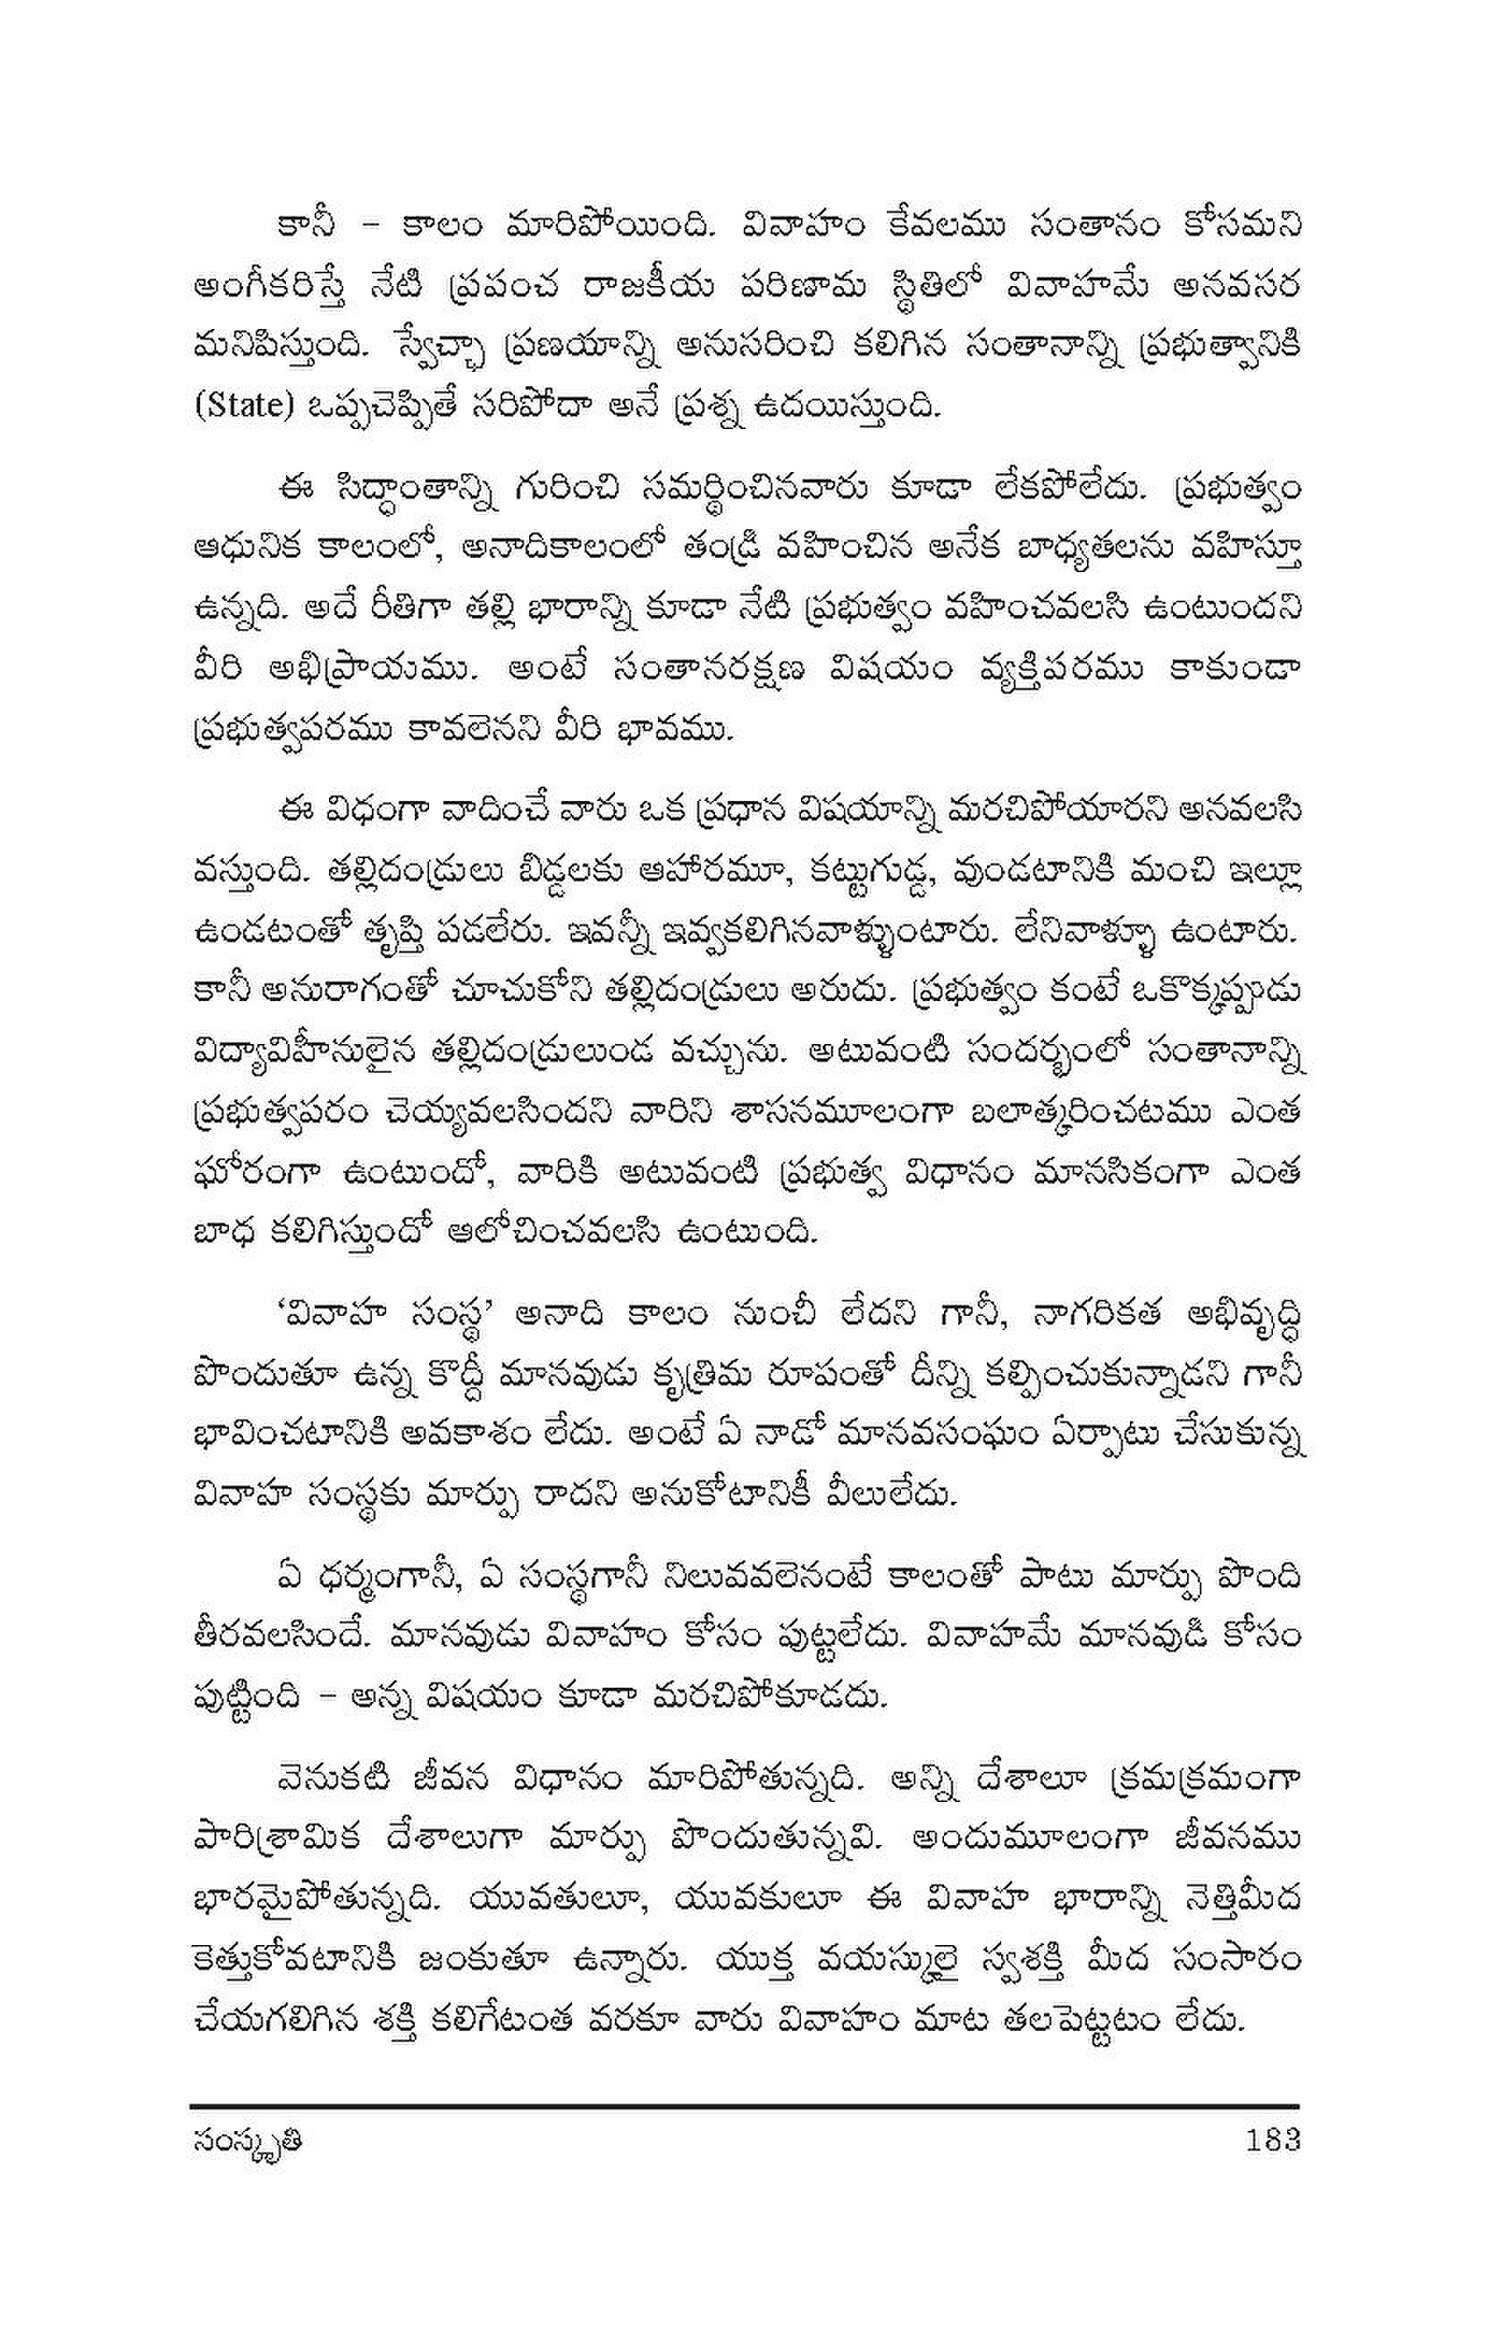కానీ కాలం మారిపోయింది. వివాహం కేవలము సంతానం కోసమని
అంగీకరిస్తే నేటి ప్రపంచ రాజకీయ పరిణామ స్థితిలో వివాహమే అనవసర
మనిపిస్తుంది. స్వేచ్ఛా ప్రణయాన్ని అనుసరించి కలిగిన సంతానాన్ని ప్రభుత్వానికి
(State) ఒప్పచెప్పితే సరిపోదా అనే ప్రశ్న ఉదయిస్తుంది.

ఈ సిద్ధాంతాన్ని గురించి సమర్థించినవారు కూడా లేకపోలేదు. ప్రభుత్వం
ఆధునిక కాలంలో, అనాదికాలంలో తండ్రి వహించిన అనేక బాధ్యతలను వహిస్తూ
ఉన్నది. అదే రీతిగా తల్లి భారాన్ని కూడా నేటి ప్రభుత్వం వహించవలసి ఉంటుందని
వీరి అభిప్రాయము. అంటే సంతానరక్షణ విషయం వ్యక్తిపరము కాకుండా
ప్రభుత్వపరము కావలెనని వీరి భావము.

ఈ విధంగా వాదించే వారు ఒక ప్రధాన విషయాన్ని మరచిపోయారని అనవలసి
వస్తుంది. తల్లిదండ్రులు బిడ్డలకు ఆహారమూ, కట్టుగుడ్డ, వుండటానికి మంచి ఇల్లూ
ఉండటంతో తృప్తి పడలేరు. ఇవన్నీ ఇవ్వకలిగినవాళ్ళుంటారు. లేనివాళ్ళూ ఉంటారు.
కానీ అనురాగంతో చూచుకోని తల్లిదండ్రులు అరుదు. ప్రభుత్వం కంటే ఒకొక్కప్పుడు
విద్యావిహీనులైన తల్లిదండ్రులుండ వచ్చును. అటువంటి సందర్భంలో సంతానాన్ని
ప్రభుత్వపరం చెయ్యవలసిందని వారిని శాసనమూలంగా బలాత్కరించటము ఎంత
ఘోరంగా ఉంటుందో, వారికి అటువంటి ప్రభుత్వ విధానం మానసికంగా ఎంత
బాధ కలిగిస్తుందో ఆలోచించవలసి ఉంటుంది.

'వివాహ సంస్థ' అనాది కాలం నుంచీ లేదని గానీ, నాగరికత అభివృద్ధి
పొందుతూ ఉన్న కొద్దీ మానవుడు కృత్రిమ రూపంతో దీన్ని కల్పించుకున్నాడని గానీ
భావించటానికి అవకాశం లేదు. అంటే ఏ నాడో మానవసంఘం ఏర్పాటు చేసుకున్న
వివాహ సంస్థకు మార్పు రాదని అనుకోటానికీ వీలులేదు.

ఏ ధర్మంగానీ, ఏ సంస్థగానీ నిలువవలెనంటే కాలంతో పాటు మార్పు పొంది
తీరవలసిందే. మానవుడు వివాహం కోసం పుట్టలేదు. వివాహమే మానవుడి కోసం
పుట్టింది - అన్న విషయం కూడా మరచిపోకూడదు.

వెనుకటి జీవన విధానం మారిపోతున్నది. అన్ని దేశాలూ క్రమక్రమంగా
పారిశ్రామిక దేశాలుగా మార్పు పొందుతున్నవి. అందుమూలంగా జీవనము
భారమైపోతున్నది. యువతులూ, యువకులూ ఈ వివాహ భారాన్ని నెత్తిమీద
కెత్తుకోవటానికి జంకుతూ ఉన్నారు. యుక్త వయస్కులై స్వశక్తి మీద సంసారం
చేయగలిగిన శక్తి కలిగేటంత వరకూ వారు వివాహం మాట తలపెట్టటం లేదు.